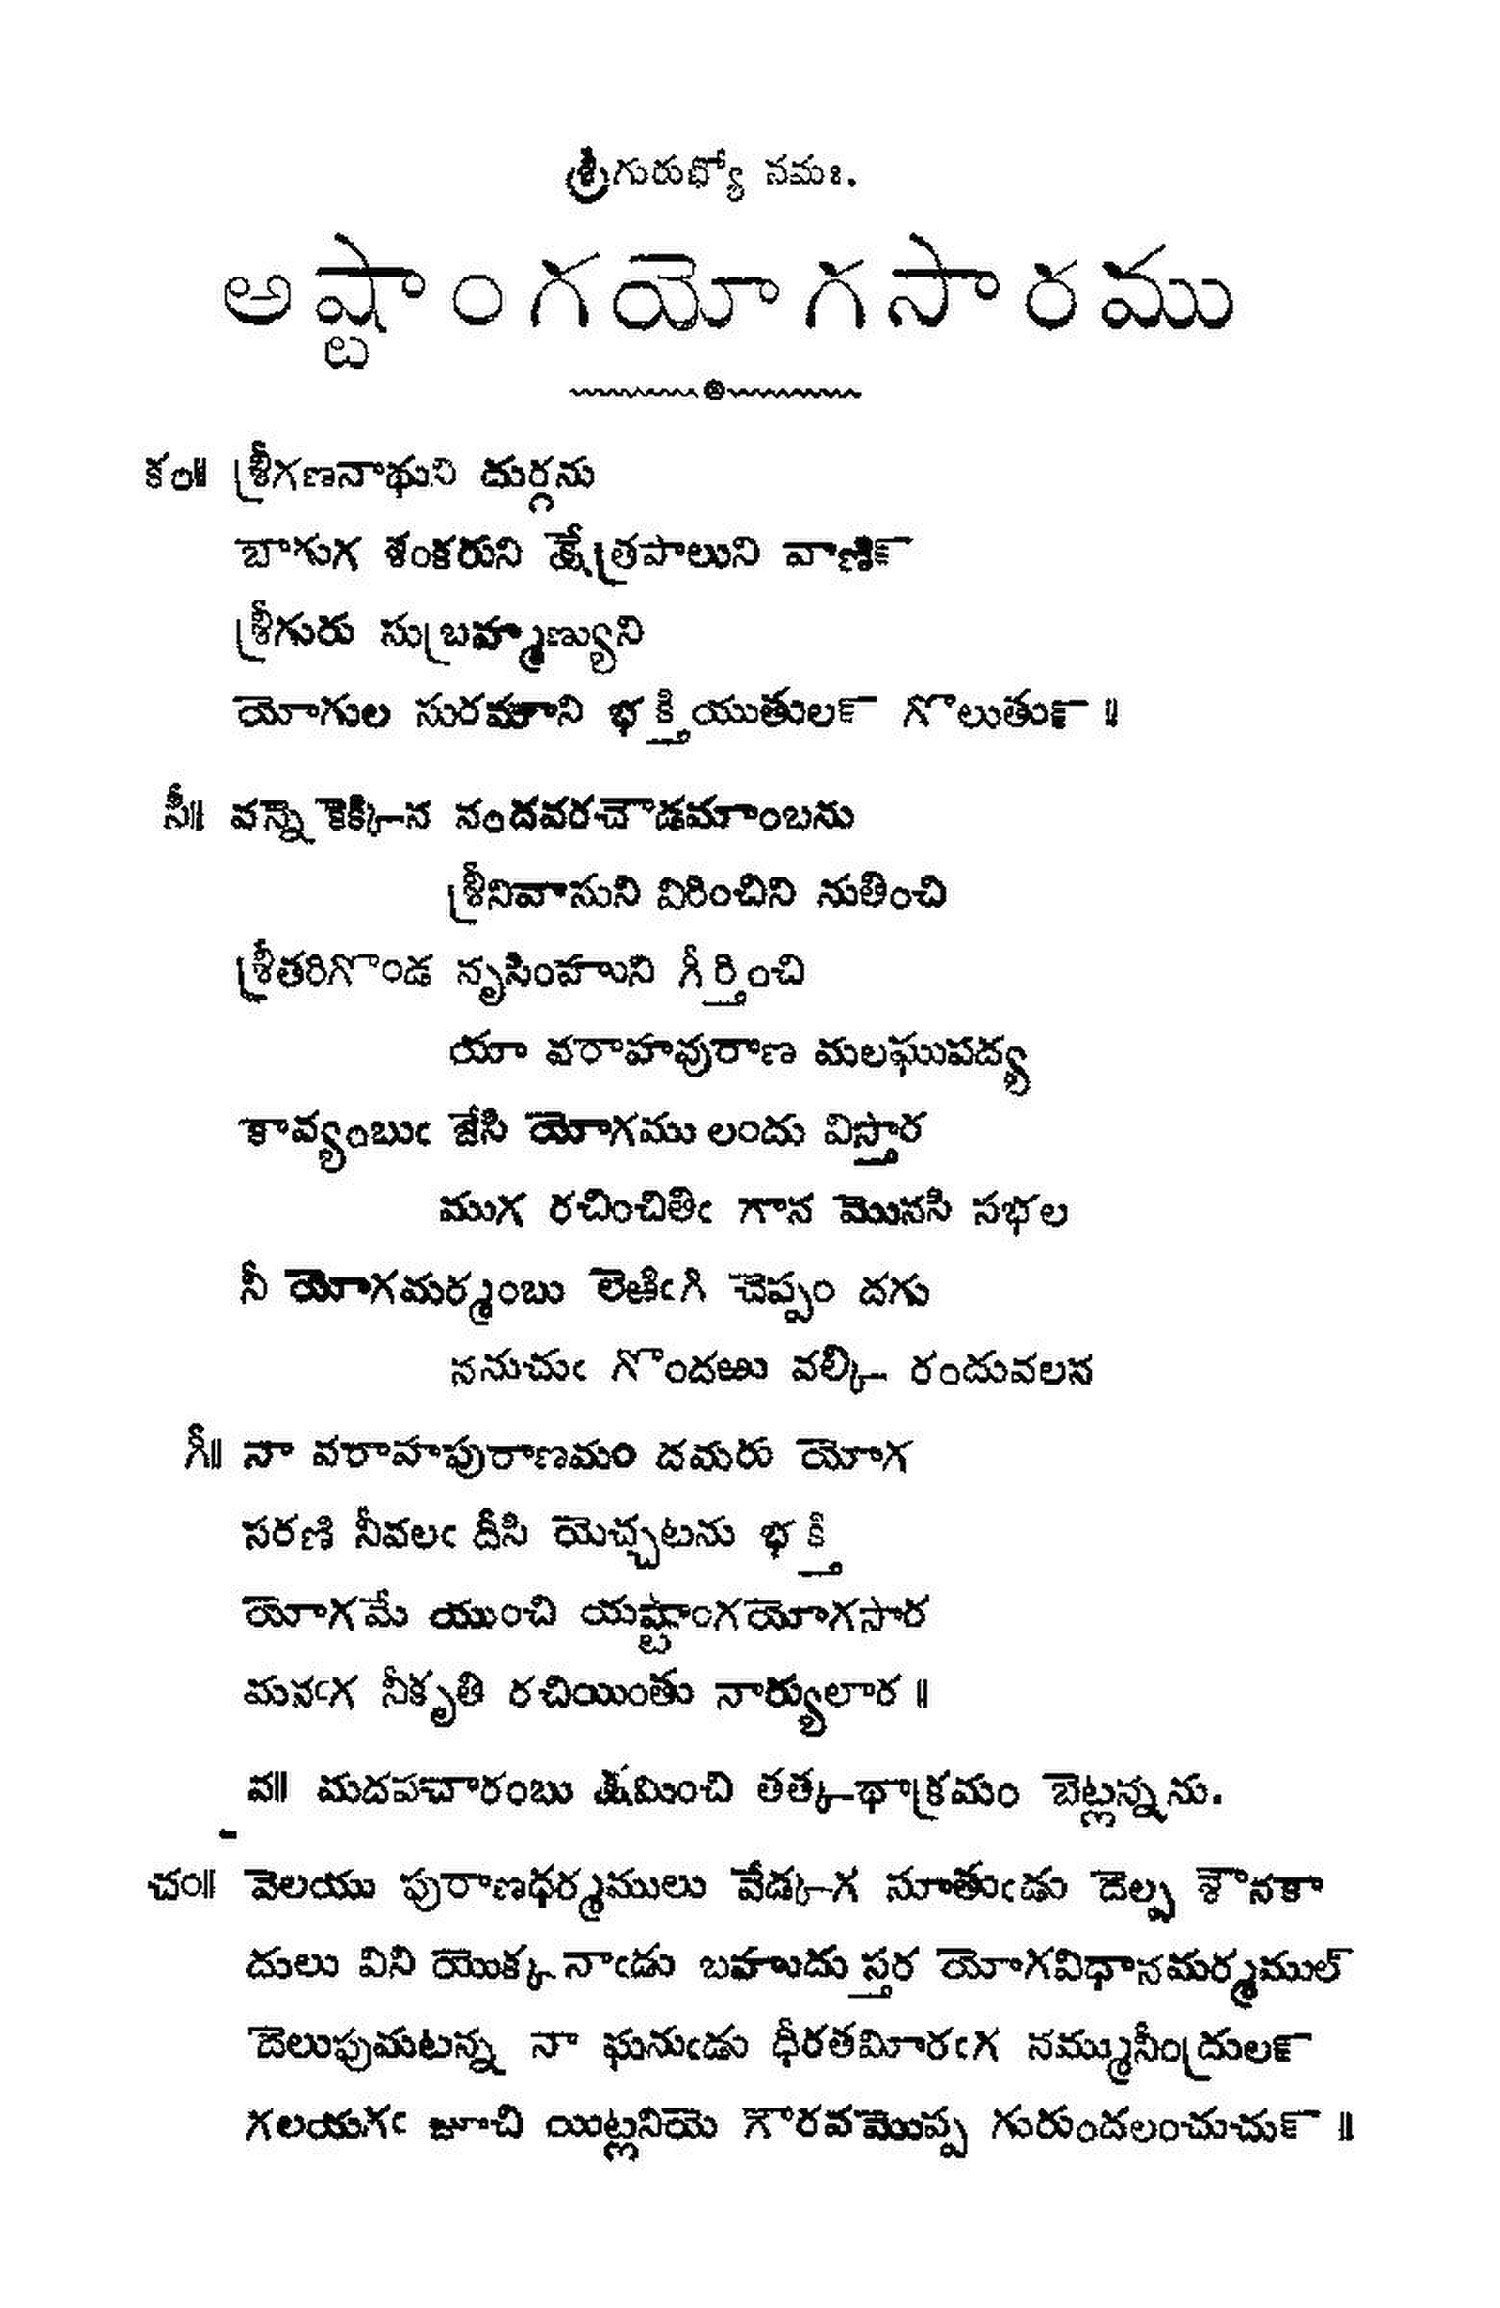కం॥ శ్రీగణనాథుని దుర్గను
 బాగుగ శంకరుని క్షేత్రపాలుని వాణిన్
 శ్రీగురు సుబ్రహ్మణ్యుని
 యోగుల సురమౌని భక్తియుతులన్ గొలుతున్॥

సీ॥ వన్నె కెక్కిన నందవరచౌడమాంబను
 శ్రీనివాసుని విరించిని నుతించి
 శ్రీతరిగొండ నృసింహుని కీర్తించి
 యా వరాహపురాణ మలఘుపద్య
 కావ్యంబుఁ జేసి యోగములందు విస్తార
 ముగ రచించితిఁ గాన మొనసి సభల
 నీ యోగమర్మంబు లెఱిఁగి చెప్పం దగు
 ననుచుఁ గొందఱు వల్కి రందువలన
గీ॥ నా వరాహపురాణమం దమరు యోగ
 సరణి నీవలఁ దీసి యెచ్చటను భక్తి
 యోగమే యుంచి యష్టాంగయోగసార
 మనఁగ నీకృతి రచియింతు నార్యులార॥

వ॥ మదపచారంబు క్షమించి తత్కథాక్రమం బెట్లన్నను.

చం॥ వెలయు పురాణధర్మములు వేడ్కగ సూతుఁడు దెల్ప శౌనకా
 దులు విని యొక్కనాఁడు బహుదుస్తర యోగవిధానమర్మముల్
 దెలుపుమటన్న నా ఘనుఁడు ధీరతమీరఁగ నమ్మునీంద్రులన్
 గలయగఁ జూచి యిట్లనియె గౌరవమొప్ప గురుందలంచుచున్॥